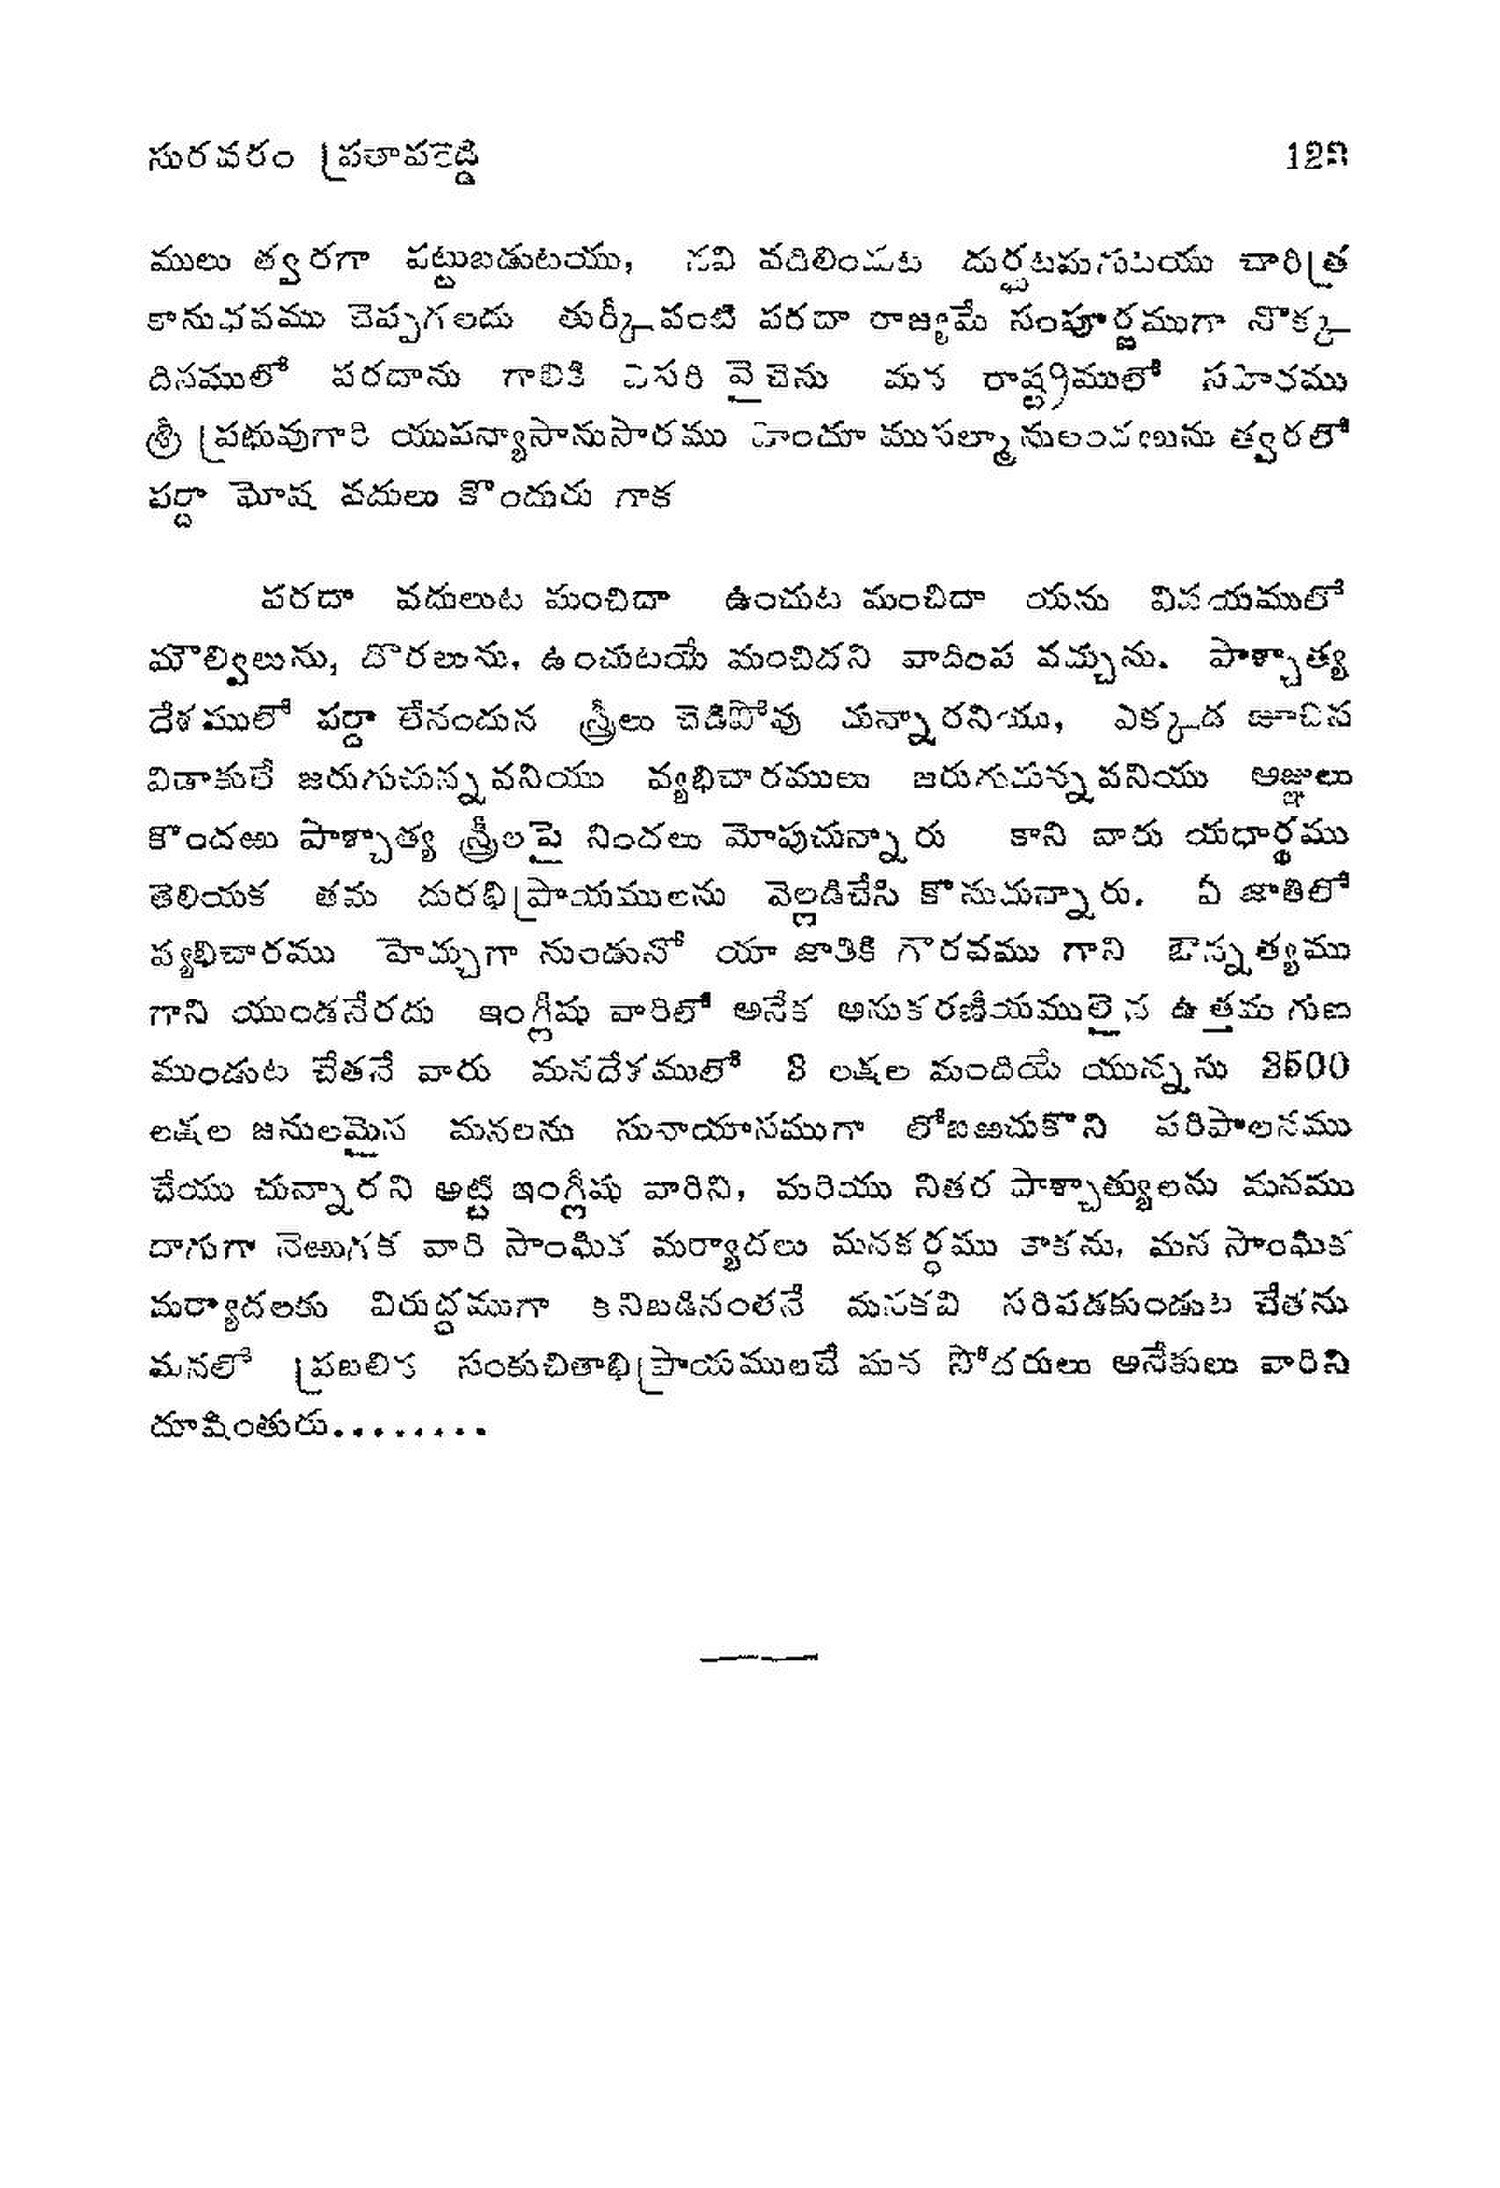ములు త్వరగా పట్టుబడుటయు, నవి వదిలించుట దుర్ఘటమగుటయు చారిత్రకానుభవము చెప్పగలదు తుర్కీ వంటి పరదా రాజ్యమే సంపూర్ణముగా నొక్క దినములో పరదాను గాలికి విసరి వైచెను మన రాష్ట్రములో సహితము శ్రీ ప్రభువుగారి యుపన్యాసానుసారము హిందూ ముసల్మానులందఱును త్వరలో పర్దా ఘోష వదులు కొందురు గాక

పరదా వదులుట మంచిదా ఉంచుట మంచిదా యను విషయములో మౌల్విలును, దొరలును, ఉంచుటయే మంచిదని వాదింప వచ్చును. పాశ్చాత్య దేశములో పర్దా లేనందున స్త్రీలు చెడిపోవు చున్నారనియు, ఎక్కడ జూచిన
విడాకులే జరుగుచున్నవనియు వ్యభిచారములు జరుగుచున్నవనియు అజ్ఞులు కొందఱు పాశ్చాత్య స్త్రీలపై నిందలు మోపుచున్నారు. కాని వారు యధార్థము తెలియక తమ దురభిప్రాయములను వెల్లడిచేసి కొనుచున్నారు. ఏ జాతిలో
వ్యభిచారము హెచ్చుగా నుండునో యా జాతికి గౌరవము గాని ఔన్నత్యముగాని యుండనేరదు ఇంగ్లీషు వారిలో అనేక అనుకరణీయములైన ఉత్తమ గుణముండుట చేతనే వారు మనదేశములో 3 లక్షల మందియే యున్నను 3500
లక్షల జనులమైన మనలను సునాయాసముగా లోబఱచుకొని పరిపాలనము చేయు చున్నారని అట్టి ఇంగ్లీషు వారిని, మరియు నితర పాశ్చాత్యులను మనము బాగుగా నెఱుగక వారి సాంఘిక మర్యాదలు మనకర్ధము కాకను, మన సాంఘిక మర్యాదలకు విరుద్ధముగా కనిబడినంతనే మనకవి సరిపడకుండుట చేతను మనలో ప్రబలిన సంకుచితాభిప్రాయములచే మన సోదరులు అనేకులు వారిని దూషింతురు........